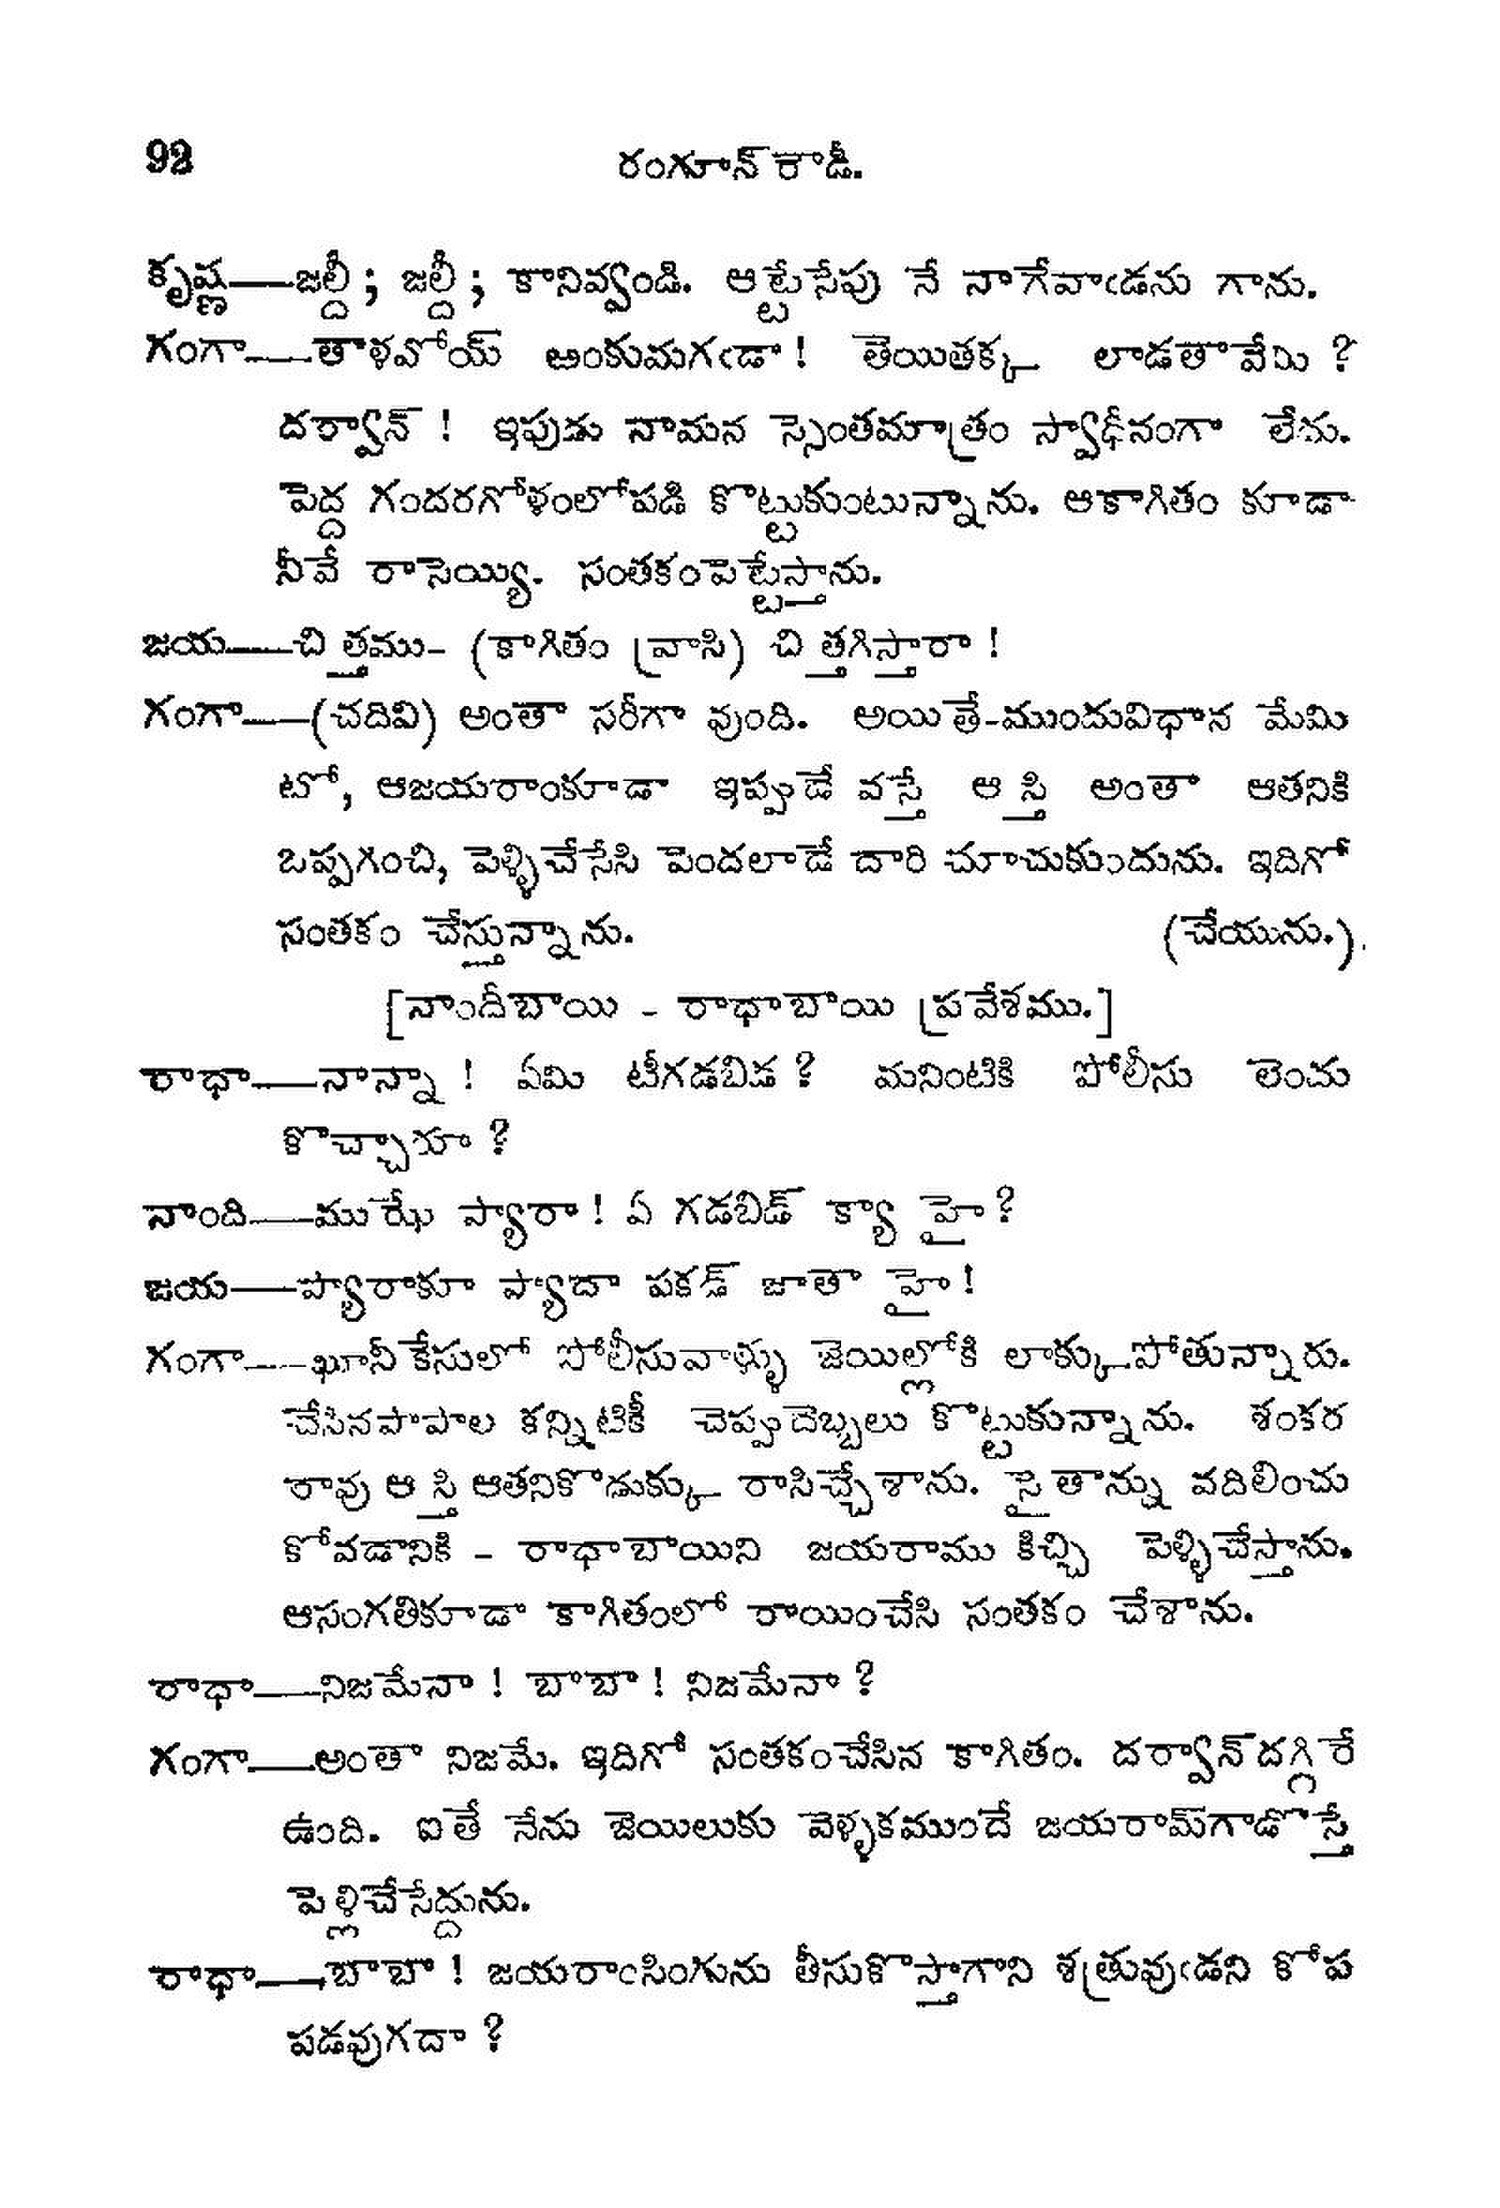కృష్ణ — జల్దీ ; జల్దీ ; కానివ్వండి. ఆట్టేసేపు నే నాగేవాఁడను గాను.

గంగా - తాళవోయ్ ఱంకుమగఁడా ! తెయితక్క లాడతావేమి ? దర్వాన్ ! ఇపుడు నామన స్సెంతమాత్రం స్వాధీనంగా లేదు. పెద్ద గందరగోళంలోపడి కొట్టుకుంటున్నాను. ఆకాగితం కూడా నీవె 
రాసెయ్యి. సంతకంపెట్టేస్తాను.

జయ - చిత్తము- (కాగితం వ్రాసి) చిత్తగిస్తారా !

గంగా - (చదివి) అంతా సరీగా వుంది. అయితే-ముందువిధాన మేమిటో, ఆజయరాంకూడా ఇప్పుడే వస్తే ఆస్తి అంతా ఆతనికి ఒప్పగించి, పెళ్ళిచేసి పెందలాడే దారి చూచుకుందును. ఇదిగో సంతకం చేస్తున్నాను.

రాధా - నాన్నా ! ఏమి టీగడబిడ ? మనింటికి పోలీసు లెందుకొచ్చారూ?

నాంది - ముఝే ప్యారా ! ఏ గడబిడ్ క్యా హై ?

జయ - ప్యారాకూ ప్యాదా పకడ్ జాతా హై !

గంగా -- ఖూనీకేసులో పోలీసువాళ్ళు జెయిల్లోకి లాక్కుపోతున్నారు. చేసినపాపాల కన్నిటికీ చెప్పుదెబ్బలు కొట్టుకున్నాను. శంకరరావు ఆస్తి అతనికొడుక్కు రాసిచ్చేశాను. సైతాన్ను వదిలించు
కోవడానికి - రాధాబాయిని జయరాము కిచ్చి పెళ్ళిచేస్తాను. ఆసంగతికూడా కాగితంలో రాయించేసి సంతకం చేశాను.

రాధా -- నిజమేనా ! బాబా! నిజమేనా?

గంగా - అంతా నిజమే. ఇదిగో సంతకంచేసిన కాగితం. దర్వాన్ దగ్గరే ఉంది. ఐతే నేను జెయిలుకు వెళ్ళకముందే జయరామ్‌గాడొస్తే పెళ్లిచేసేద్దును.

రాధా - బాబా ! జయరాంసింగును తీసుకొస్తాగాని శత్రువుఁడని కోపపడవుగదా?